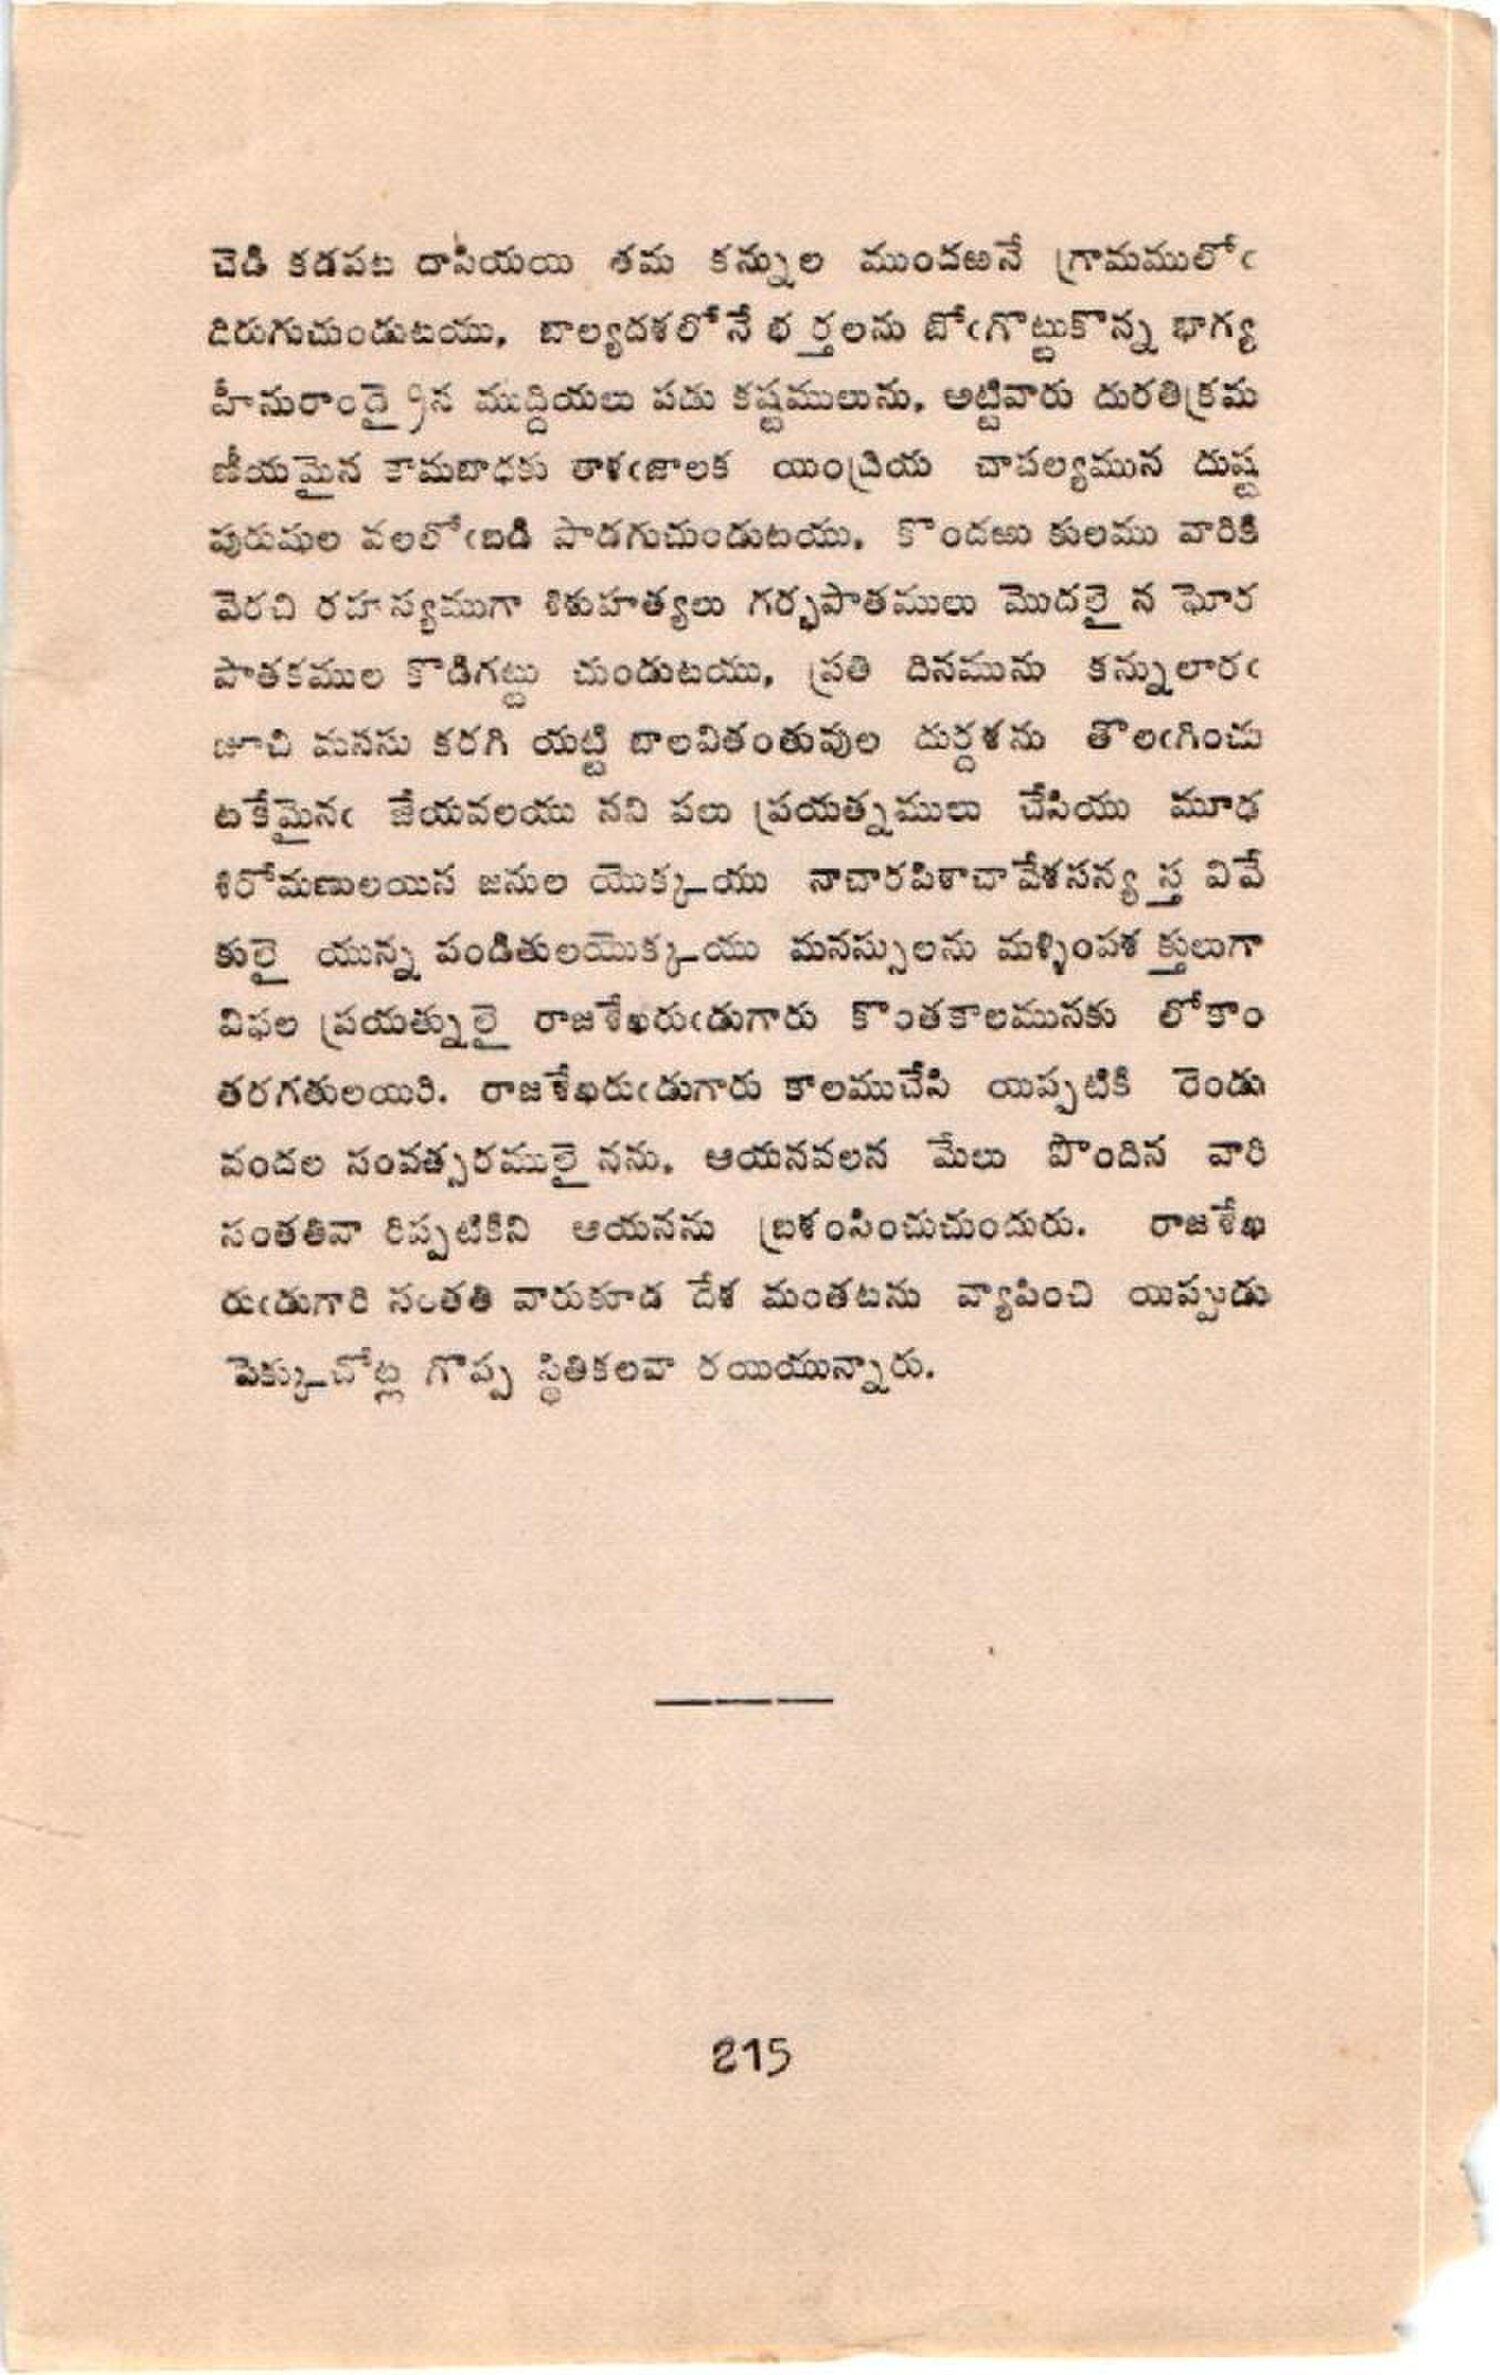చెడి కడపట దాసియయి తమ కన్నుల ముందఱనే గ్రామములోఁ దిరుగుచుండుటయు, బాల్యదశలోనే భర్తలను బోఁగొట్టుకొన్న భాగ్య హీనురాండ్రైన ముద్దియలు పడు కష్టములును, అట్టివారు దురతిక్రమ ణీయమైన కామబాధకు తాళఁజాలక యింద్రియ చాపల్యమున దుష్ట పురుషుల వలలోబడి పాడగుచుండుటయు, కొందఱు కులము వారికి వెరచి రహస్యముగా శిశుహత్యలు గర్భపాతములు మొదలైన ఘోర పాతకముల కొడిగట్టు చుండుటయు, ప్రతి దినమును కన్నులారఁ జూచి మనసు కరగి యట్టి బాలవితంతువుల దుర్దశను తొలగించుట కేమైనఁ జేయవలయు నని పలు ప్రయత్నములు చేసియు మూఢ శిరోమణులయిన జనుల యొక్కయు నాచారపిశాచావేశసన్యస్త వివేకులై యున్న పండితులయొక్కయు మనస్సులను మళ్ళింపశక్తులుగా విఫల ప్రయత్నులై రాజశేఖరుఁడుగారు కొంతకాలమునకు లోకాంతరగతులయిరి. రాజశేఖరుఁడుగారు కాలముచేసి యిప్పటికి రెండు వందల సంవత్సరములైనను, ఆయన వలన మేలు పొందిన వారి సంతతివా రిప్పటికిని ఆయనను బ్రశంసించుచుందురు. రాజశేఖరుఁడుగారి సంతతి వారుకూడ దేశ మంతటను వ్యాపించి యిప్పుడు పెక్కుచోట్ల గొప్ప స్థితికలవారయియున్నారు.